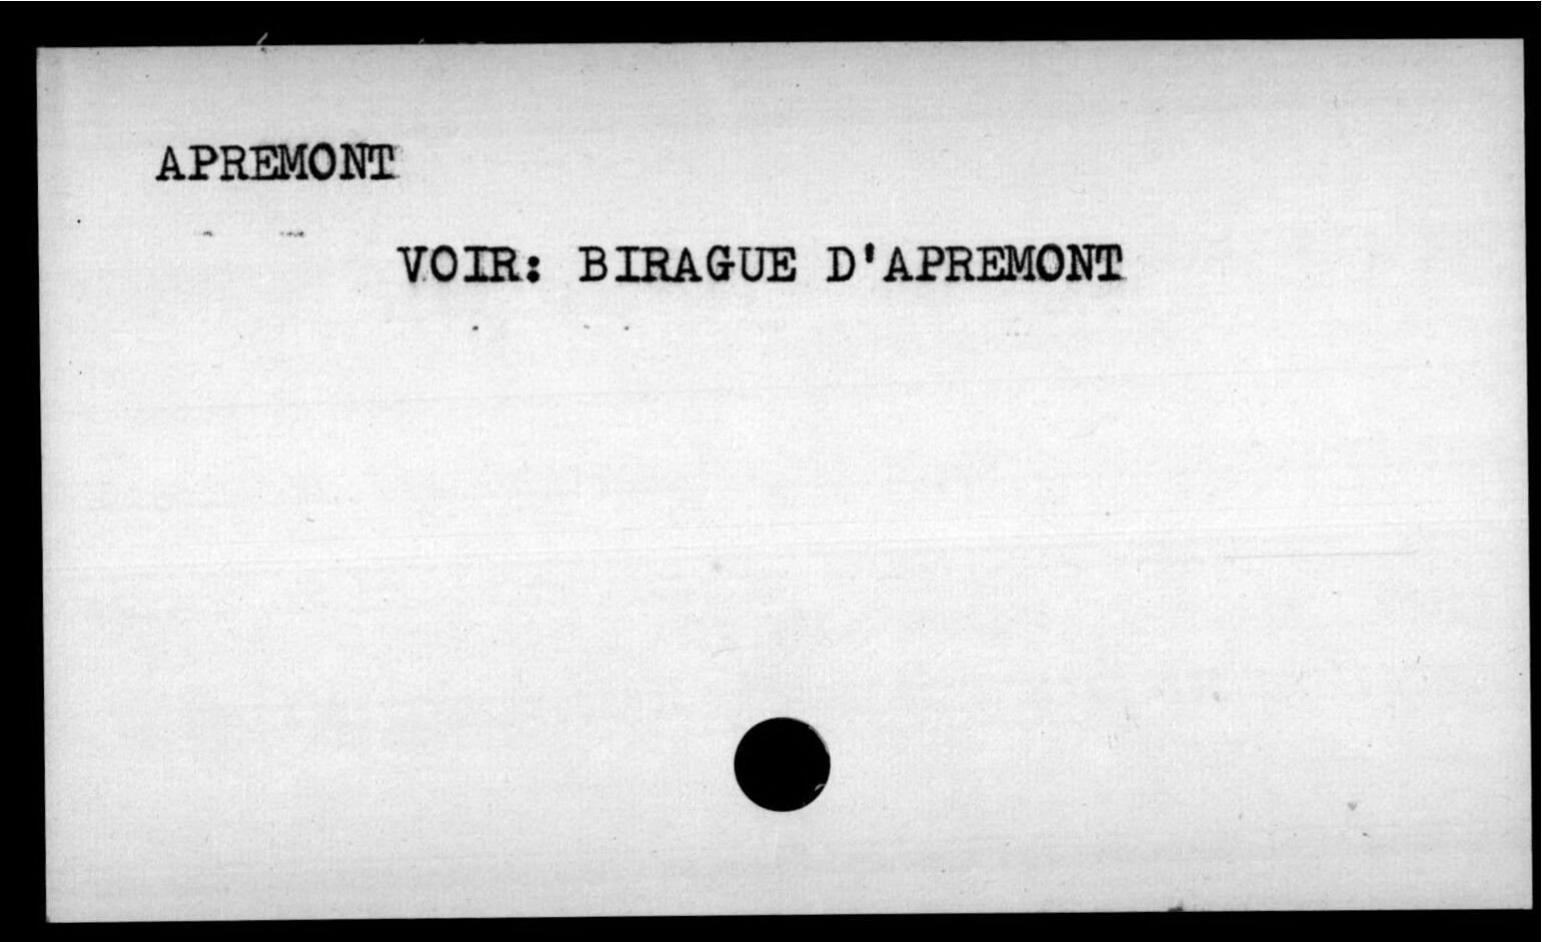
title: APREMONT
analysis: VOIR : BIRAGUE D'APREMONT
